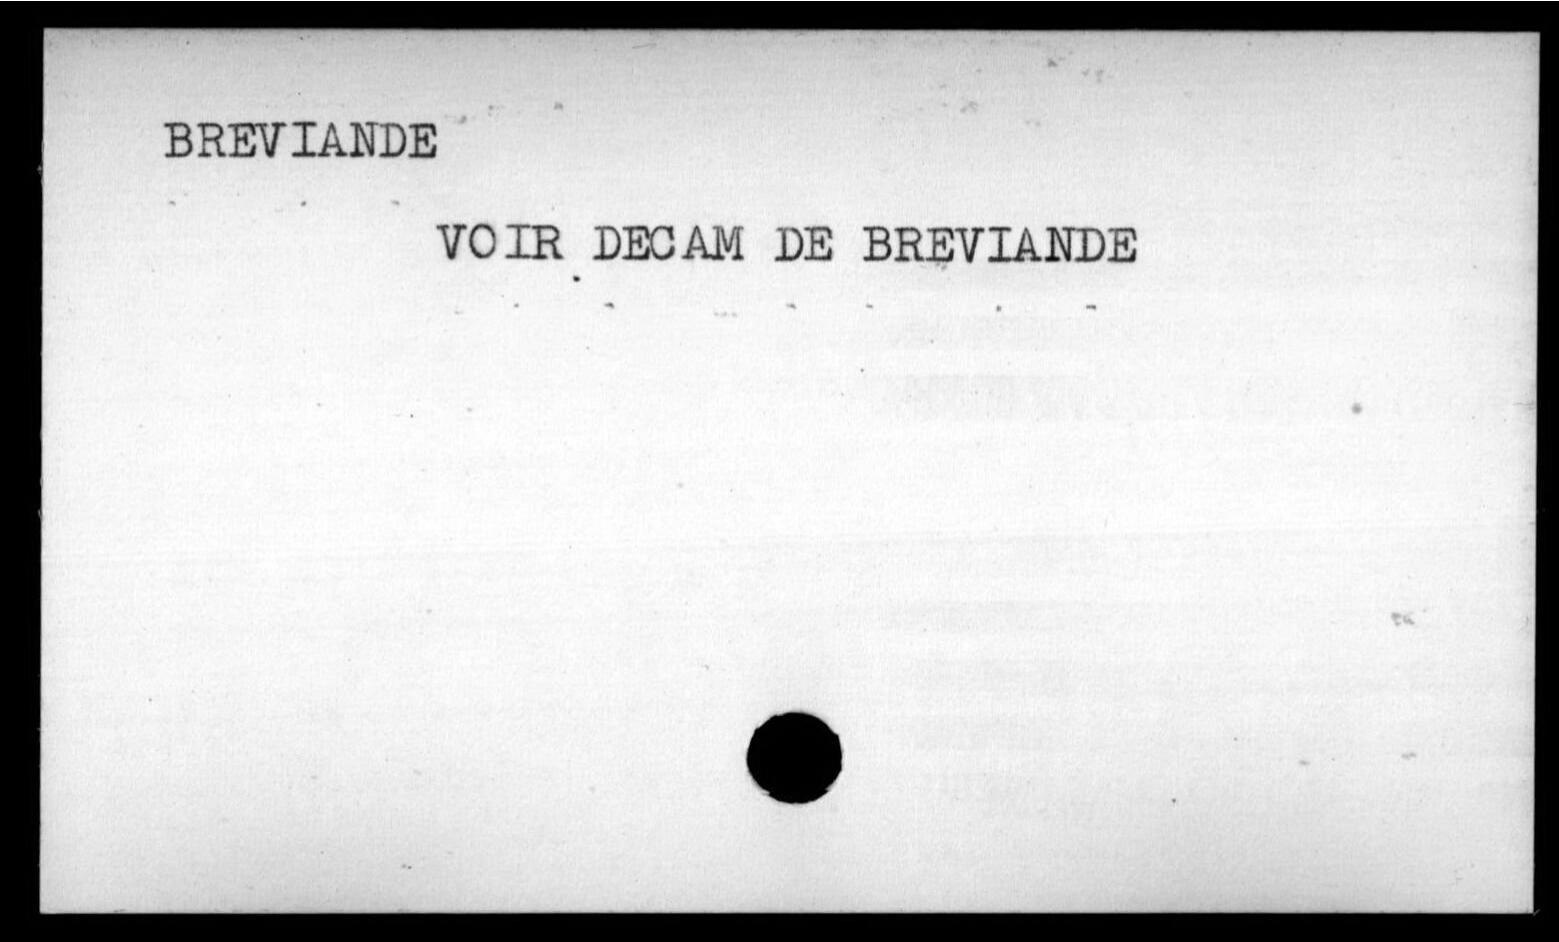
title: BREVIANDE
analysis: VOIR DECAM DE BREVIANDE
